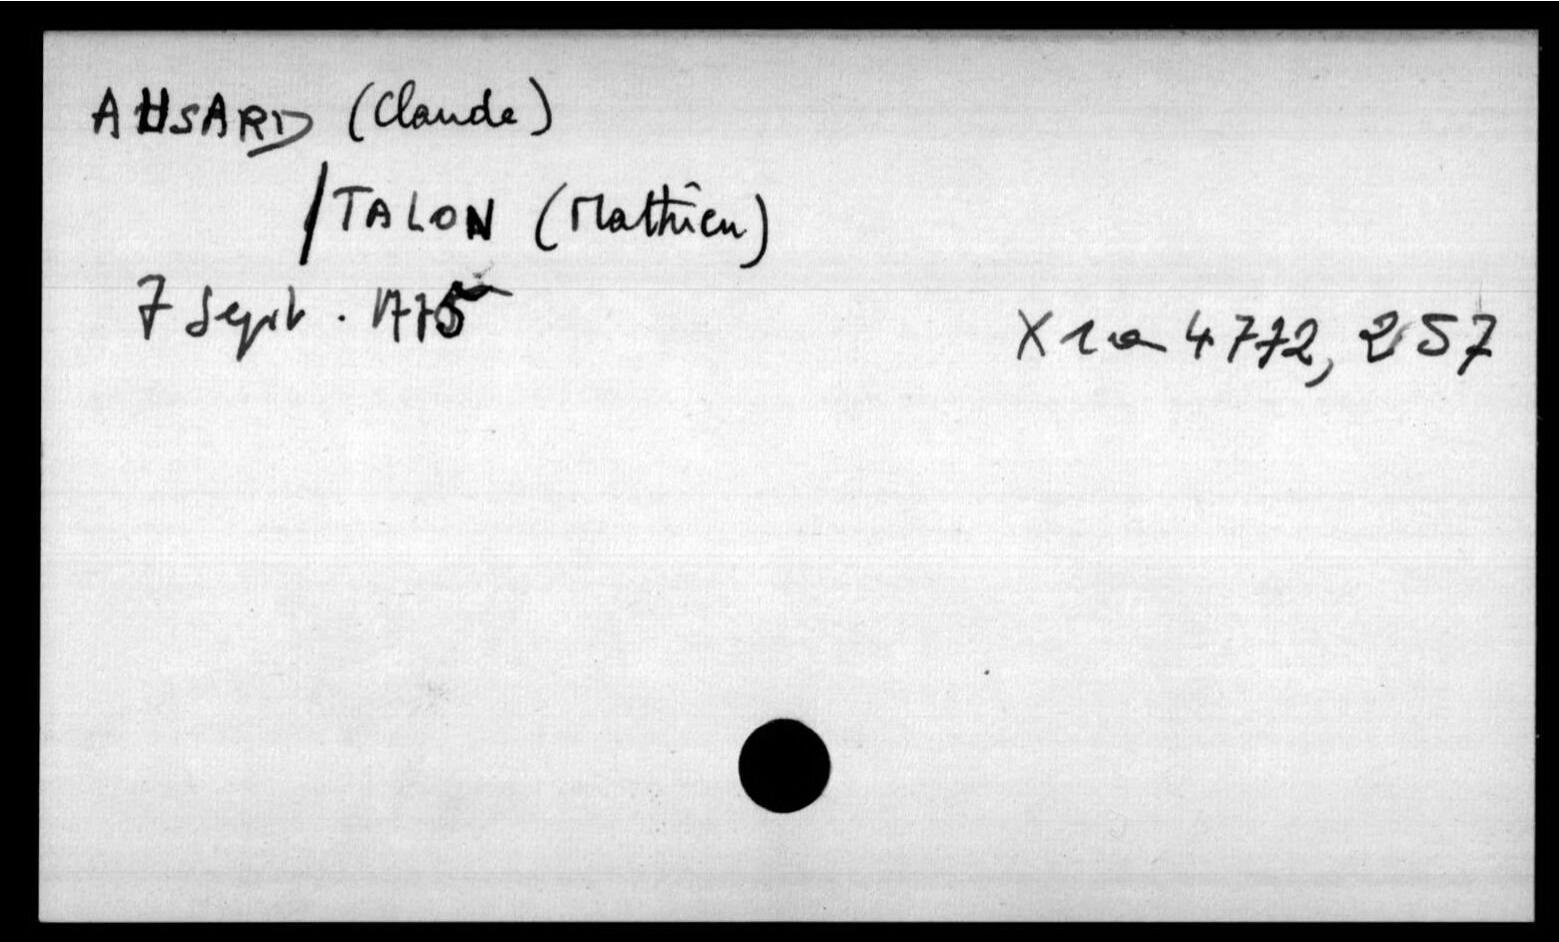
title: ANSARD (Claude)
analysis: Contre TALON (Mathieu)
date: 7 septembre 1775
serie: X1a
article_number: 4772
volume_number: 257
